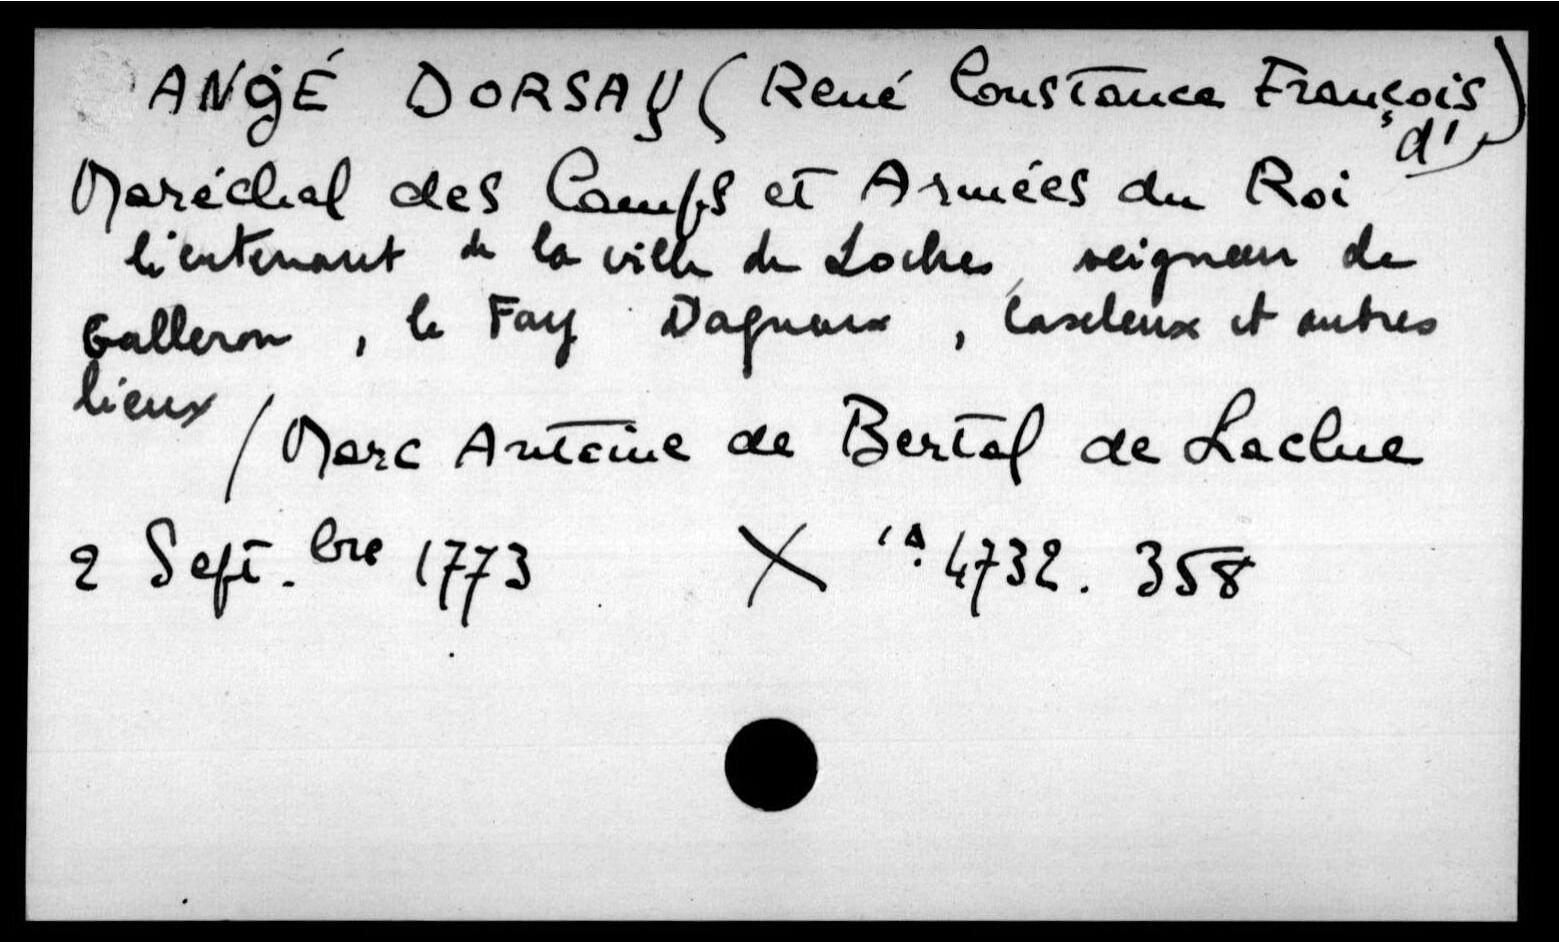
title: ANGÉ DORSAY (René Constance François d') Maréchal des Camps et Armées du Roi, lieutenant de la ville de Loches, seigneur de Galleron, le Fay Dagnurs, Canleux et autres lieux
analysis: Contre Marc Antoine de Bertal de Lechue
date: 2 septembre 1773
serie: X1A
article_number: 4732
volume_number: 358
